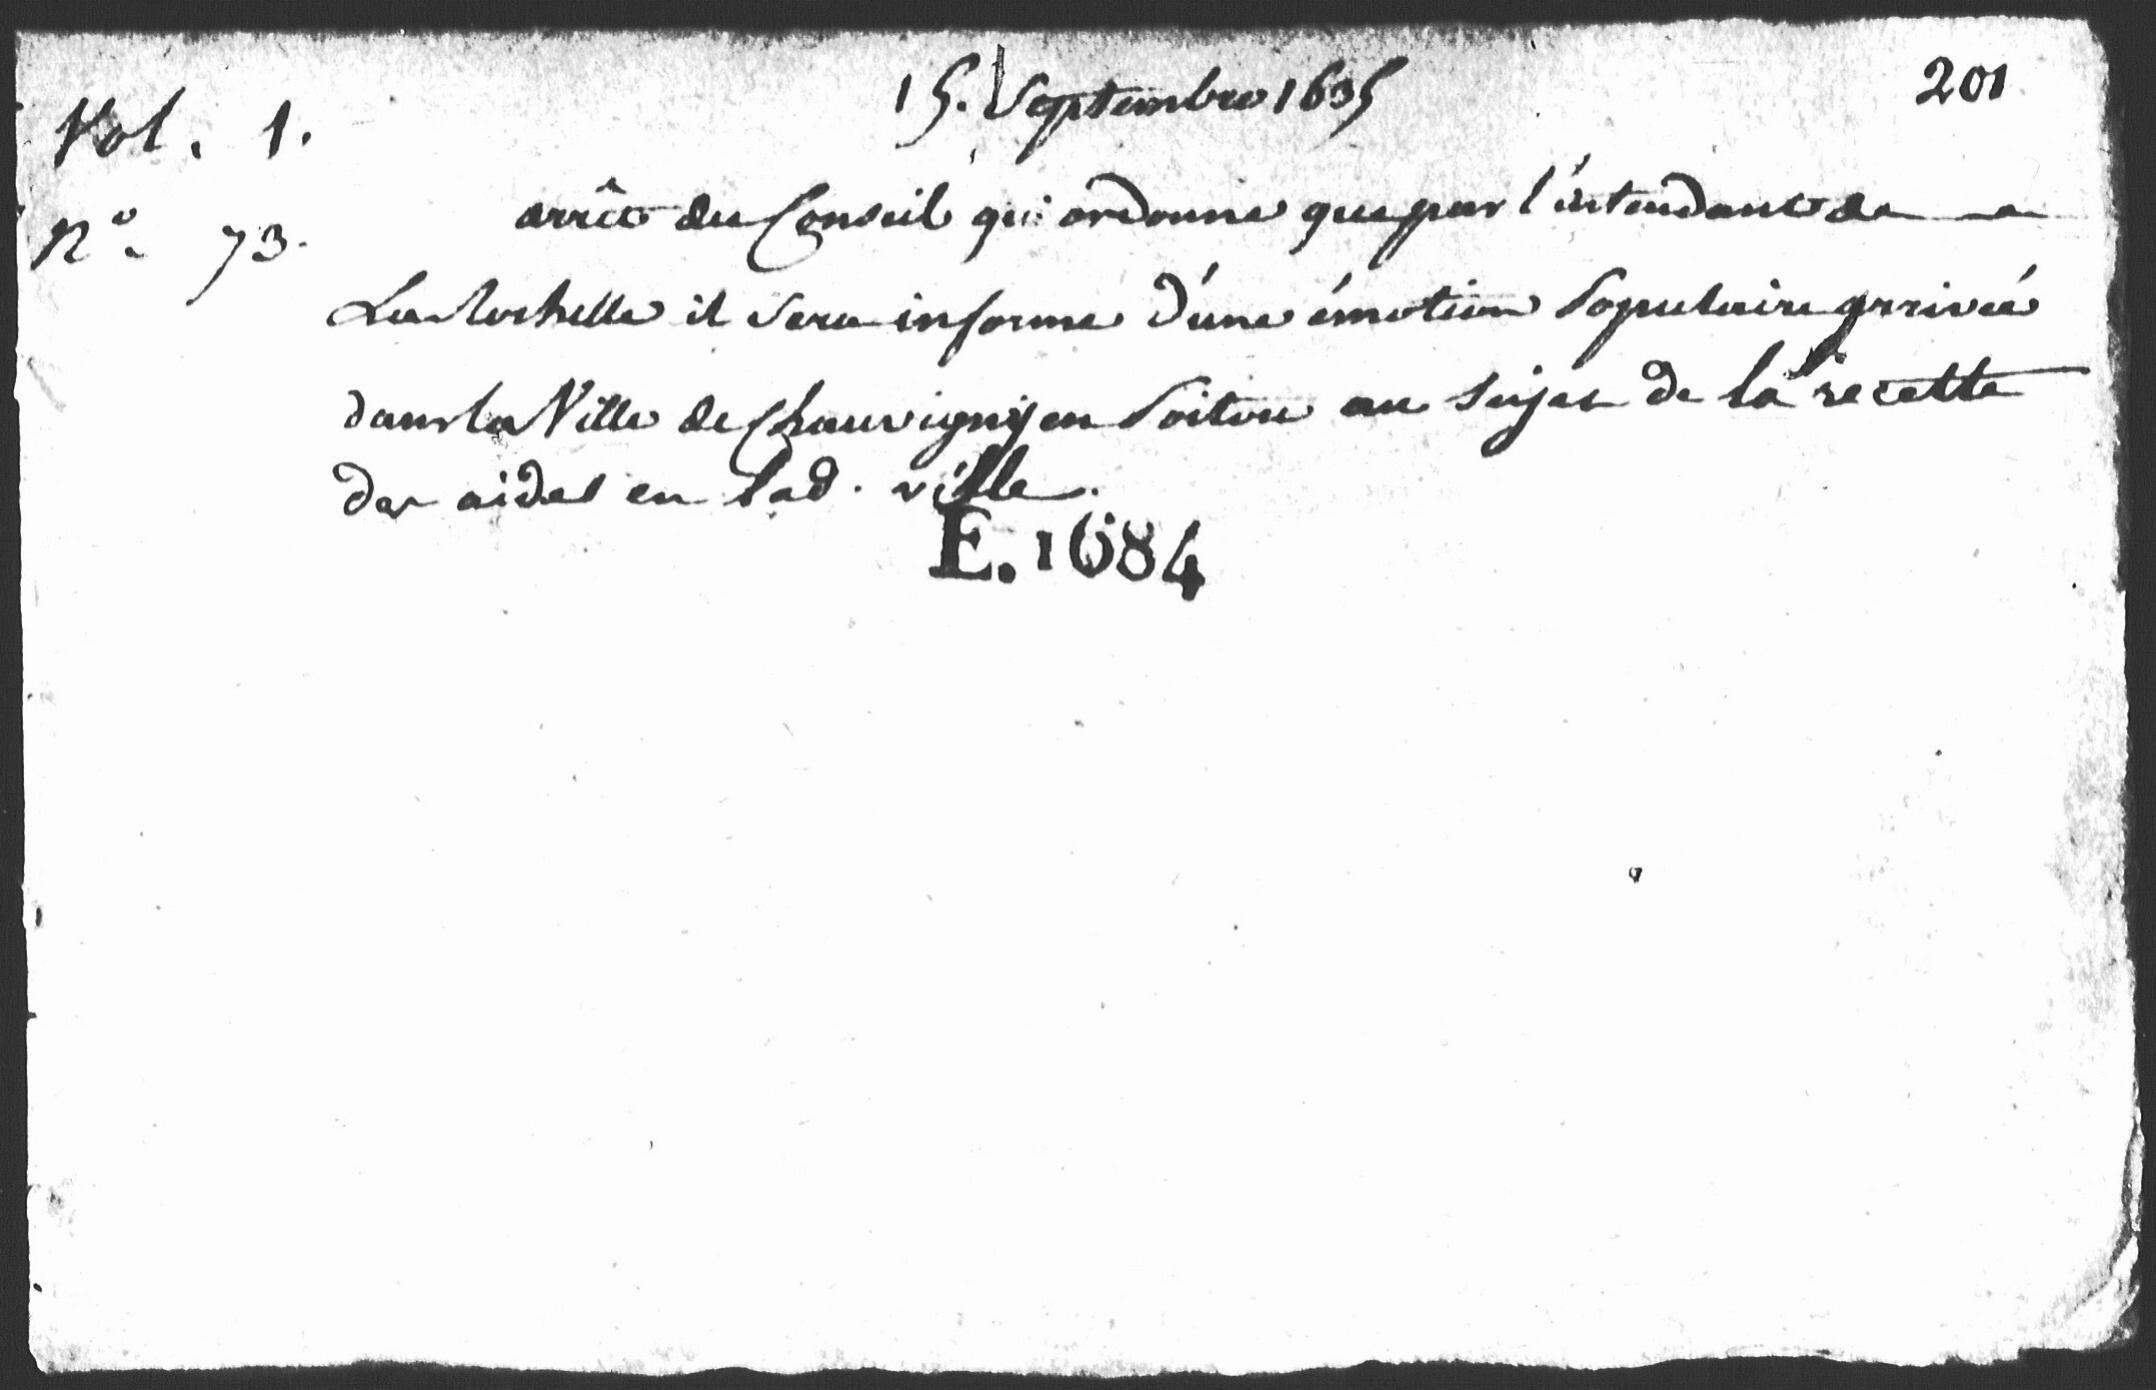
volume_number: n°73
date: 15 septembre 1635
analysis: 201
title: arrêt du Conseil qui ordonne que par l'intendant de La Rochelle il sera informe d'une émotion populaire arrivée dans la Ville de Chauvigny en Poitou au sujet de la recette des aides en lad. ville
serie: E
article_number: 1684
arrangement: vol. 1
